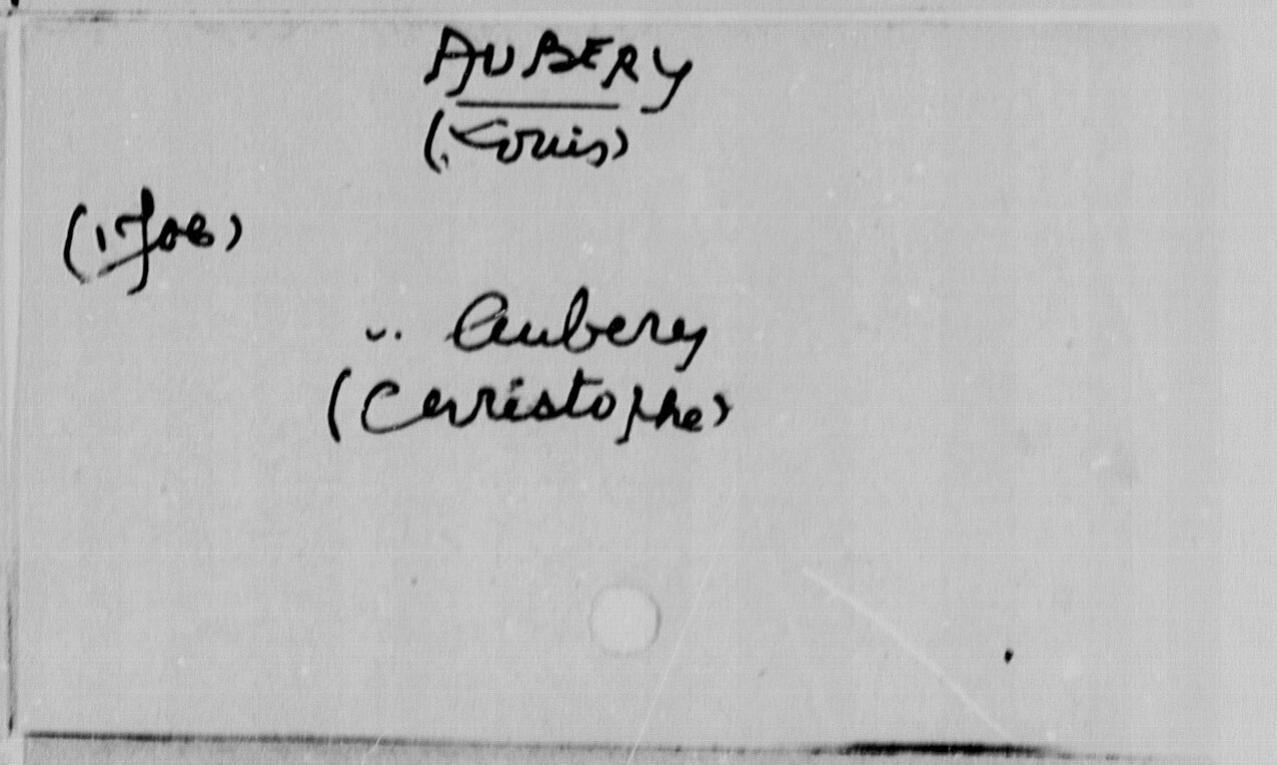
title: AUBERY (Louis)
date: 1706
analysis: Voir Aubery (Christophe)
